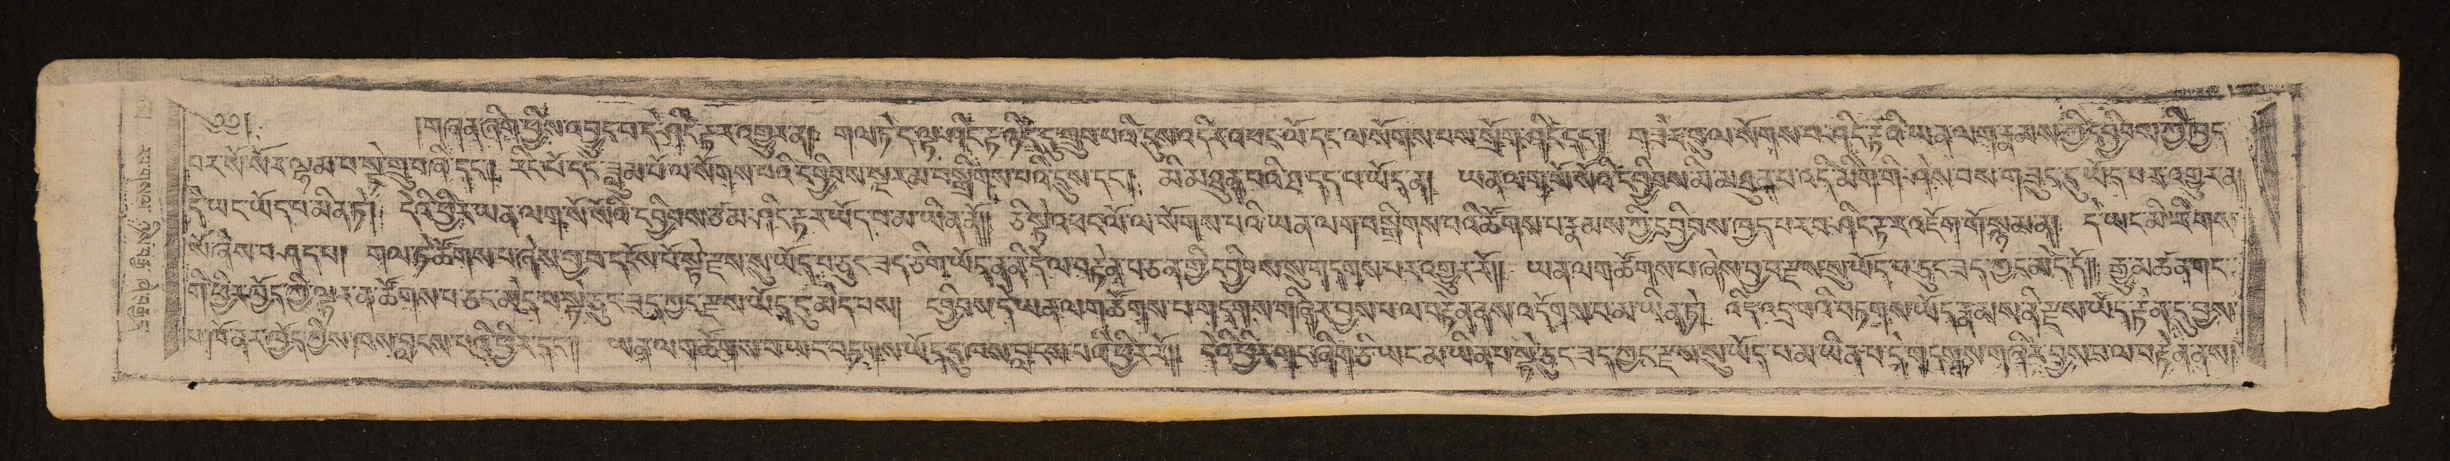༄༅། །གཞན་ཞིག་ཕྱིས་འབྱུང་བ་དེ་ཤིང་རྟར་འགྱུར་ན། གལ་ཏེ་ད་ལྟ་ཤིང་རྟ་ཉིད་དུ་གྲུབ་པའི་དུས་འདིར་འཕང་ལོ་དང་ལ་སོགས་པས་སྲོག་ཤིང་དང་། གཟེར་བུ་ལ་སོགས་པ་ཤིང་རྟའི་ཡན་ལག་རྣམས་ཀྱི་དབྱིབས་ཀྱི་ཁྱད་
པར་སོ་སོར་ལྷམ་པ་སྟེ་གྲུ་བཞི་དང་། རིང་པོ་དང་ཟླུམ་པོ་ལ་སོགས་པའི་དབྱིབས་སྔར་མ་བསྒྲིགས་པའི་དུས་དང་། མི་མཐུན་པའི་ཐ་དད་པ་ཡོད་ན། ཡན་ལག་སོ་སོའི་དབྱིབས་མི་མཐུན་པ་འདི་མིག་གི་ཤེས་པས་གཟུང་དུ་ཡོད་པར་འགྱུར་ན།
དེ་ཡང་ཡོད་པ་མིན་ཏེ། དེའི་ཕྱིར་ཡན་ལག་སོ་སོའི་དབྱིབས་ཙམ་ཤིང་རྟར་ཡོད་པ་མ་ཡིན་ནོ།། ཅི་སྟེ་འཕང་ལོ་ལ་སོགས་པའི་ཡན་ལག་བསྒྲིགས་པའི་ཚོགས་པ་རྣམས་ཀྱི་དབྱིབས་ཁྱད་པར་བ་ཤིང་རྟར་འཇོག་གོ་སྙམ་ན། དེ་ཡང་མི་རིགས་
སོ་ཞེས་བཤད་པ། གལ་ཏེ་ཚོགས་པ་ཞེས་བྱ་བ་དངོས་པོ་སྟེ་རྫས་སུ་ཡོད་པ་ཅུང་ཟད་ཅིག་ཡོད་ན་ནི་དེ་ལ་བརྟེན་པ་ཅན་གྱི་དབྱིབས་སུ་གདགས་པར་འགྱུར་རོ།། ཡན་ལག་ཚོགས་པ་ཞེས་བྱ་བ་རྫས་སུ་ཡོད་པ་ཅུང་ཟད་ཀྱང་མེད་དེ།། རྒྱུ་མཚན་གང་
གི་ཕྱིར་ཁྱོད་ཀྱི་ལྟར་ན་ཚོགས་པ་ཅང་མེད་པ་སྟེ་ཅུང་ཟད་ཀྱང་རྫས་ཡོད་དུ་མེད་པས། དབྱིབས་དེ་ཡན་ལག་ཚོགས་པ་གདགས་གཞིར་བྱས་པ་ལ་བརྟེན་ནས་འདོགས་པ་མ་ཡིན་ཏེ། འདི་འདྲ་བའི་བཏགས་ཡོད་རྣམས་ནི་རྫས་ཡོད་རྟེན་དུ་བྱས་
པ་ཁོ་ནར་ཁྱོད་ཀྱིས་ཁས་བླངས་པའི་ཕྱིར་དང་། ཡན་ལག་ཚོགས་པ་ཡང་བཏགས་ཡོད་དུ་ཁས་བླངས་པའི་ཕྱིར་རོ།། དེའི་ཕྱིར་གང་ཞིག་ཅི་ཡང་མ་ཡིན་པ་སྟེ་ཅུང་ཟད་ཀྱང་རྫས་སུ་ཡོད་པ་མ་ཡིན་པ་དེ་གདགས་གཞིར་བྱས་པ་ལ་བརྟེན་ནས།